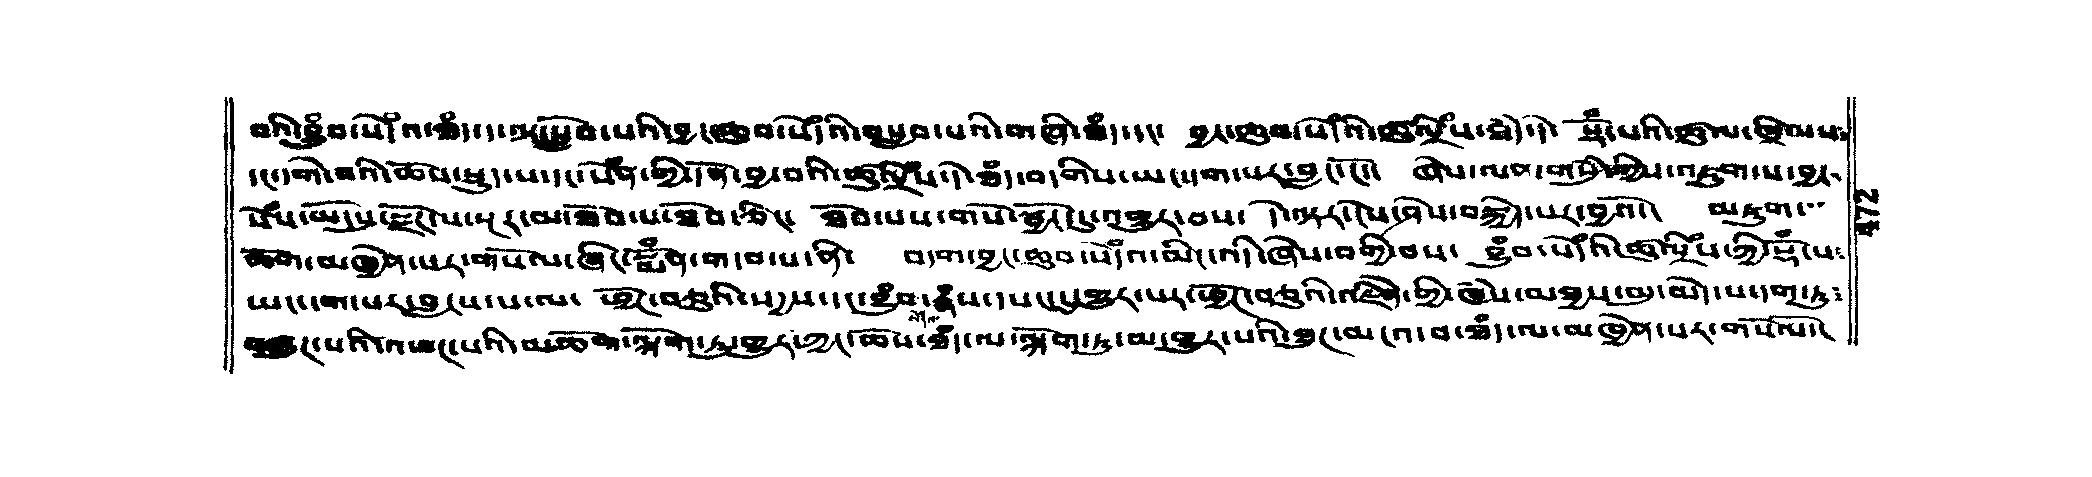བའི་བྱང་ཆུབ་སེམས་དཔའ་ཐམས་ཅད་ད་ལྟ་སློབ་པའི་བྱང་ཆུབ་སེམས་དཔའི་བསླབ་པའི་གཞི་ཐམས་་ཅད་དང་། བྱང་ཆུབ་སེམས་དཔའི་ཚུལ་ཁྲིམས་ཐམས་ཅད་དེ། སྡོམ་པའི་ཚུལ་ཁྲིམས་
དང་དགེ་བའི་ཆོས་སྡུད་པ་དང་སེམས་ཅན་གྱི་དོན་བྱ་བའི་ཚུལ་ཁྲིམས་དེ་ཐམས་ཅད་བདག་གིས་ཡང་དག་པར་བླང་ངོ་། ཞེས་ལན་གསུམ་གྱི་འཇུག་པ་བྱང་
སེམས་ཡོངས་སུ་རྫོགས་པ་སྔར་མ་ཐོབ་པ་ཐོབ་ཅིང་། ཐོབ་པས་གསོ་སྦྱོང་དུ་འགྱུར་བས།དེ་ལྟར་ངེས་ཤེས་བསྐྱེད་པར་བྱའོ། མཇུག་
ཆོག་མཁྱེན་པར་གསོལ་ཞིང་སྨོན་ལམ་གདབ་པ་ནི། བདག་བྱང་ཆུབ་སེམས་དཔའ་མིང་འདི་ཞེས་བགྱི་བས། བྱང་ཆུབ་སེམས་དཔའི་ཚུལ་ཁྲིམས་ཀྱི་སྡོམ་པ་
ཡང་དག་པར་བླངས་པ་ལ། ཕྱོགས་བཅུའི་སངས་རྒྱས་དང་བྱང་ཆུབ་སེམས་དཔའ་རྣམས་དཔང་དུ་གྱུར་པར་ཕྱོགས་བཅུའི་འཇིག་རྟེན་གྱི་ཁམས་མཐའ་ཡས་མུ་མེད་པ་དག་ཏུ་
བཞུགས་པའི་འཕགས་པའི་མཆོག་ལྐོག་ཏུ་གྱུར་གྱུར་ཀྱང་ལྐོག་ཏུ་མ་གྱུར་བའི་ཐུགས་མངའ་བ་ཐམས་ཅད་ལ་མཁྱེན་པར་གསོལ།